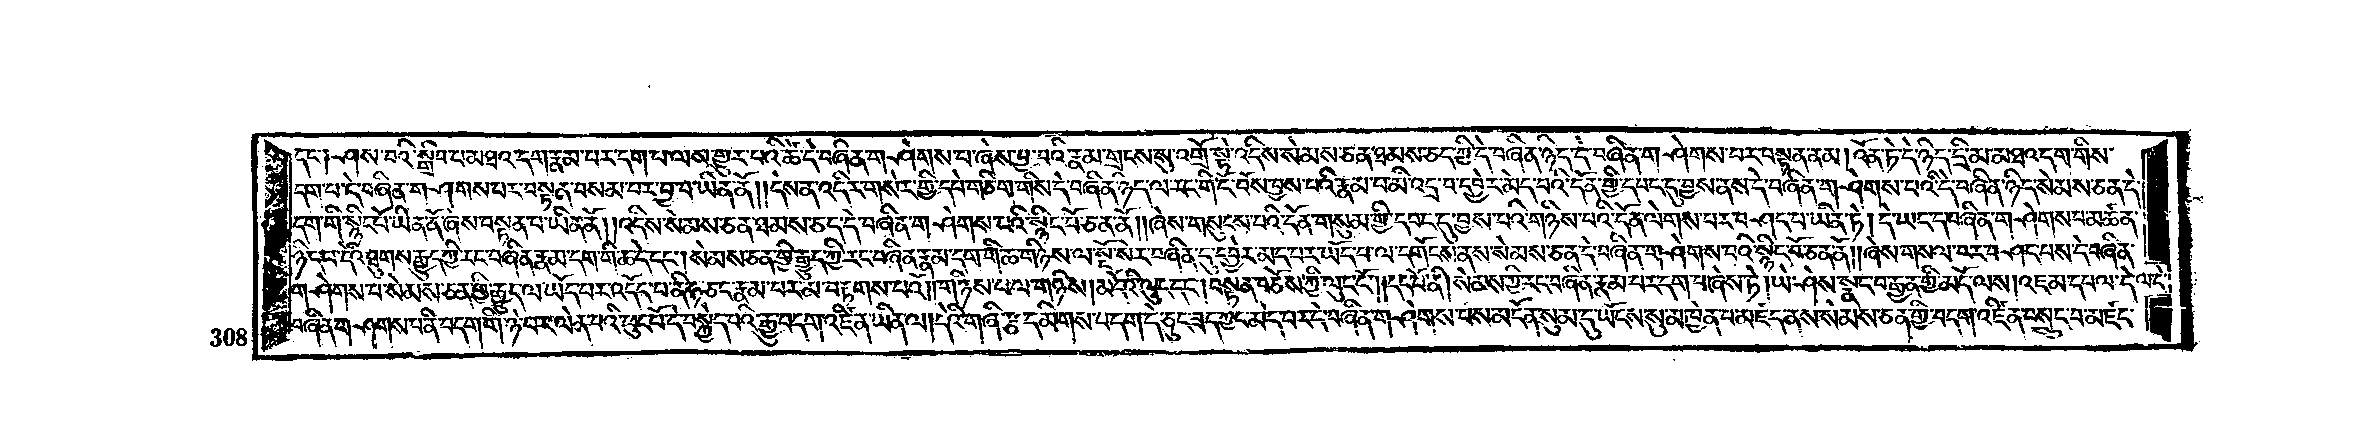དང༑ ཤེས་པའི་སྒྲིབ་པ་མཐའ་དག་རྣམ་པར་དག་པ་ལས་གྱུར་པའི་ཚེ་དེ་བཞིན་གཤེགས་པ་ཞེས་བྱ་བའི་རྣམ་གྲངས་སུ་འགྲོ་སྟེ་འདིས་སེམས་ཅན་ཐམས་ཅད་ཀྱི་དེ་བཞིན་ཉིད་དེ་བཞིན་གཤེགས་པར་བསྟན་ནམ། འོན་ཏེ་དེ་ཉིད་དྲི་མ་མཐའ་དག་གིས་
དག་པ་དེ་བཞིན་གཤེགས་པར་བསྟན་བསམ་པར་བྱ་བ་ཡིན་ནོ། །དེས་ན་འདིར་གསེར་གྱི་དཔེ་གཅིག་གིས་དེ་བཞིན་ཉིད་ལ་རང་གི་ངོ་བོས་བྱས་པའི་རྣམ་པ་མི་འདྲ་བ་དབྱེར་མེད་པའི་དོན་གྱི་དབང་དུ་བྱས་ནས་དེ་བཞིན་གཤེགས་པའི་དེ་བཞིན་ཉིད་སེམས་ཅན་དེ་
དག་གི་སྙིང་པོ་ཡིན་ནོ་ཞེས་བསྟན་པ་ཡིན་ནོ། །འདིས་སེམས་ཅན་ཐམས་ཅད་དེ་བཞིན་གཤེགས་པའི་སྙིང་པོ་ཅན་ནོ། །ཞེས་གསུངས་པའི་དོན་གསུམ་གྱི་དབང་དུ་བྱས་པའི་གཉིས་པའི་དོན་ལེགས་པར་བཤད་པ་ཡིན་ཏེ། དེ་ཡང་དེ་བཞིན་གཤེགས་པ་མཚན་
ཉིད་པ་དེའི་ཐུགས་རྒྱུད་ཀྱི་རང་བཞིན་རྣམ་དག་གི་ཆ་དེ་དང་། སེམས་ཅན་གྱི་རྒྱུད་ཀྱི་རང་བཞིན་རྣམ་དག་གི་ཆ་གཉིས་ལ་སྔོ་སེར་བཞིན་དུ་དབྱེར་མེད་པར་ཡོད་པ་ལ་དགོངས་ནས་སེམས་ཅན་དེ་བཞིན་གཤེགས་པའི་སྙིང་པོ་ཅན་ནོ། །ཞེས་གསལ་བར་བཤད་པས་དེ་བཞིན་
གཤེགས་པ་སེམས་ཅན་གྱི་རྒྱུད་ལ་ཡོད་པར་འདོད་པ་ནི་ཧ་ཅང་རྣམ་པར་མ་བརྟགས་པའོ། །གཉིས་པ་ལ་གཉིས། མདོའི་ལུང་དང་། བསྟན་བཅོས་ཀྱི་ལུང་ངོ། །དང་པོ་ནི། སེམས་ཀྱི་རང་བཞིན་རྣམ་པར་དག་པ་ཞེས་ཏེ། ཡེ་ཤེས་སྣང་བ་རྒྱན་གྱི་མདོ་ལས། འཇམ་དཔལ་དེ་ལ་དེ་
བཞིན་གཤེགས་པ་ནི་བདག་གི་ཉེ་བར་ལེན་པའི་ཕུང་པོ་དེ་བསྐྱེད་པའི་རྒྱུ་བདག་འཛིན་ཡིན་ལ། དེའི་གཞི་རྩ་དམིགས་པ་དག་དེ་ཅུང་ཟད་ཀྱང་མེད་པར་དེ་བཞིན་གཤེགས་པས་མངོན་སུམ་དུ་ཡོངས་སུ་མཁྱེན་པ་མཛད་ནས་སེམས་ཅན་གྱི་བདག་འཛིན་བསྲུང་བ་མཛད་